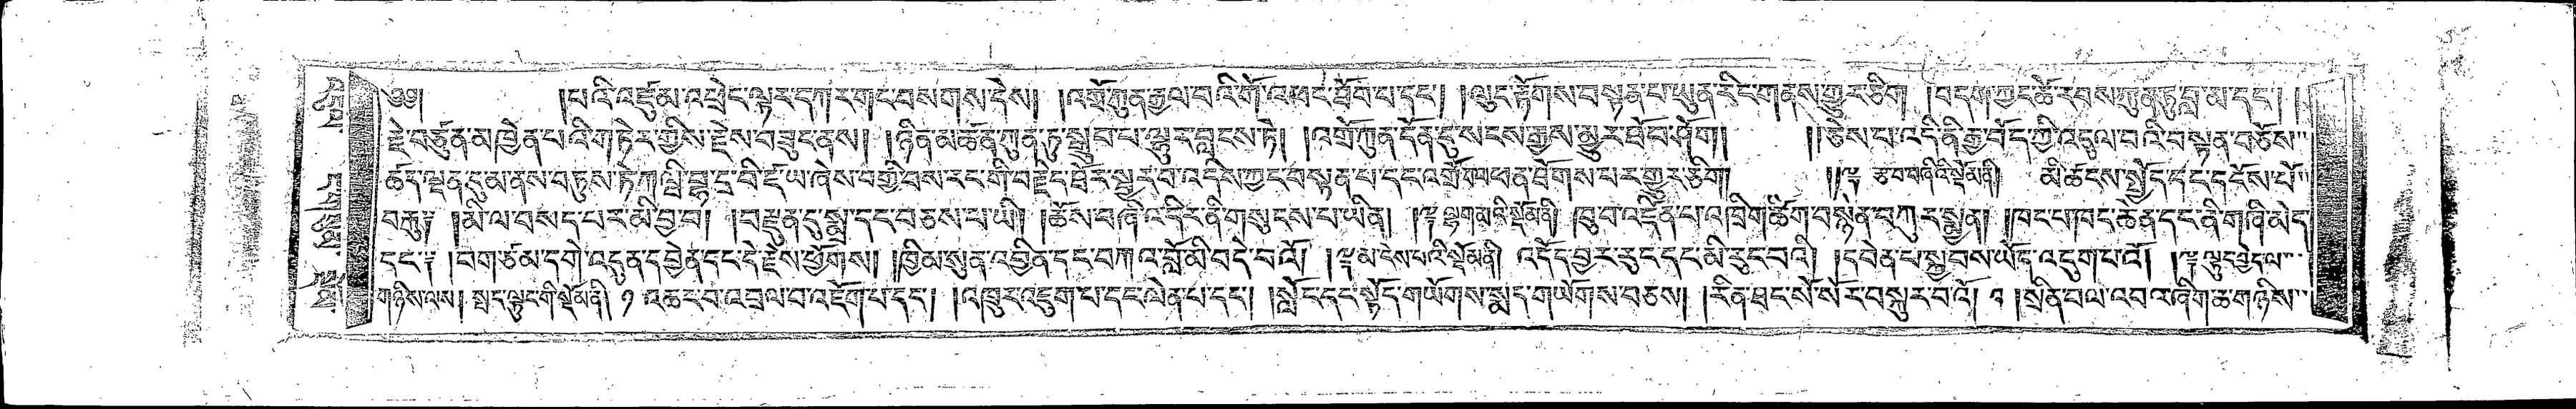༄༅། །པའི་འཛུམ་འཕྲེང་ལྟར་དཀར་གང་བསགས་དེས། །འགྲོ་ཀུན་རྒྱལ་བའི་གོ་འཕང་ཐོབ་པ་དང་། །ལུང་རྟོགས་བསྟན་པ་ཡུན་རིང་གནས་གྱུར་ཅིག །བདག་ཀྱང་ཚེ་རབས་ཀུན་ཏུ་བླ་མ་དང་། །
རྗེ་བཙུན་མཁྱེན་པའི་གཏེར་གྱིས་རྗེས་བཟུང་ནས། །ཉིན་མཚན་ཀུན་ཏུ་སྒྲུབ་པ་ལྷུར་བླངས་ཏེ། །འགྲོ་ཀུན་དོན་དུ་སངས་རྒྱས་མྱུར་ཐོབ་ཤོག ། །།ཅེས་པ་འདི་ནི་རྒྱ་བོད་ཀྱི་འདུལ་བའི་བསྟན་བཅོས་
ཚད་ལྡན་དུ་མ་ནས་བཏུས་ཏེ་ཀ་ལྦི་བྷ་དྲ་བི་ཛ་ཡ་ཞེས་བགྱི་བས་རང་གི་བརྗེད་ཐོར་སྦྱར་བ་འདིས་ཀྱང་བསྟན་པ་དང་འགྲོ་བ་ལ་ཕན་ཐོགས་པར་གྱུར་ཅིག ། །།༈ རྩ་བ་བཞིའི་སྡོམ་ནི། མི་ཚངས་སྤྱོད་དང་དངོས་པོ་
བརྐུ༑ །མི་ལ་བསད་པར་མི་བྱ་བ། །བརྫུན་དུ་སྨྲ་དང་བཅས་པ་ཡི། །ཆོས་བཞི་འདིར་ནི་གསུངས་པ་ཡིན། །༈ ལྷག་མའི་སྡོམ་ནི། ཁུ་བ་འཛིན་པ་འཁྲིག་ཚིག་བསྙེན་བཀུར་སྨྱན། །ཁང་པ་ཁང་ཆེན་དང་ནི་གཞི་མེད་
དང༑ །བག་ཙམ་དགེ་འདུན་དབྱེན་དང་དེ་རྗེས་ཕྱོགས། །ཁྱིམ་སུན་འབྱིན་དང་བཀའ་བློ་མི་བདེ་བའོ། །༈ མ་ངེས་པའི་སྡོམ་ནི། འདོད་བྱར་རུང་དང་མི་རུང་བའི། །དབེན་པ་སྐྱབས་ཡོད་འདུག་པའོ། །༈ ལྟུང་བྱེད་ལ་
གཉིས་ལས། སྤང་ལྟུང་གི་སྡོམ་ནི། འཆང་བ་འབྲལ་བ་འཇོག་པ་དང་། །འཁྲུར་འཇུག་པ་དང་ལེན་པ་དང་། །སློང་དང་སྟོད་གཡོགས་སྨད་གཡོགས་བཅས། །རིན་ཐང་སོ་སོར་བསྐུར་བའོ། །སྲིན་བལ་འབའ་ཞིག་ཆ་གཉིས་